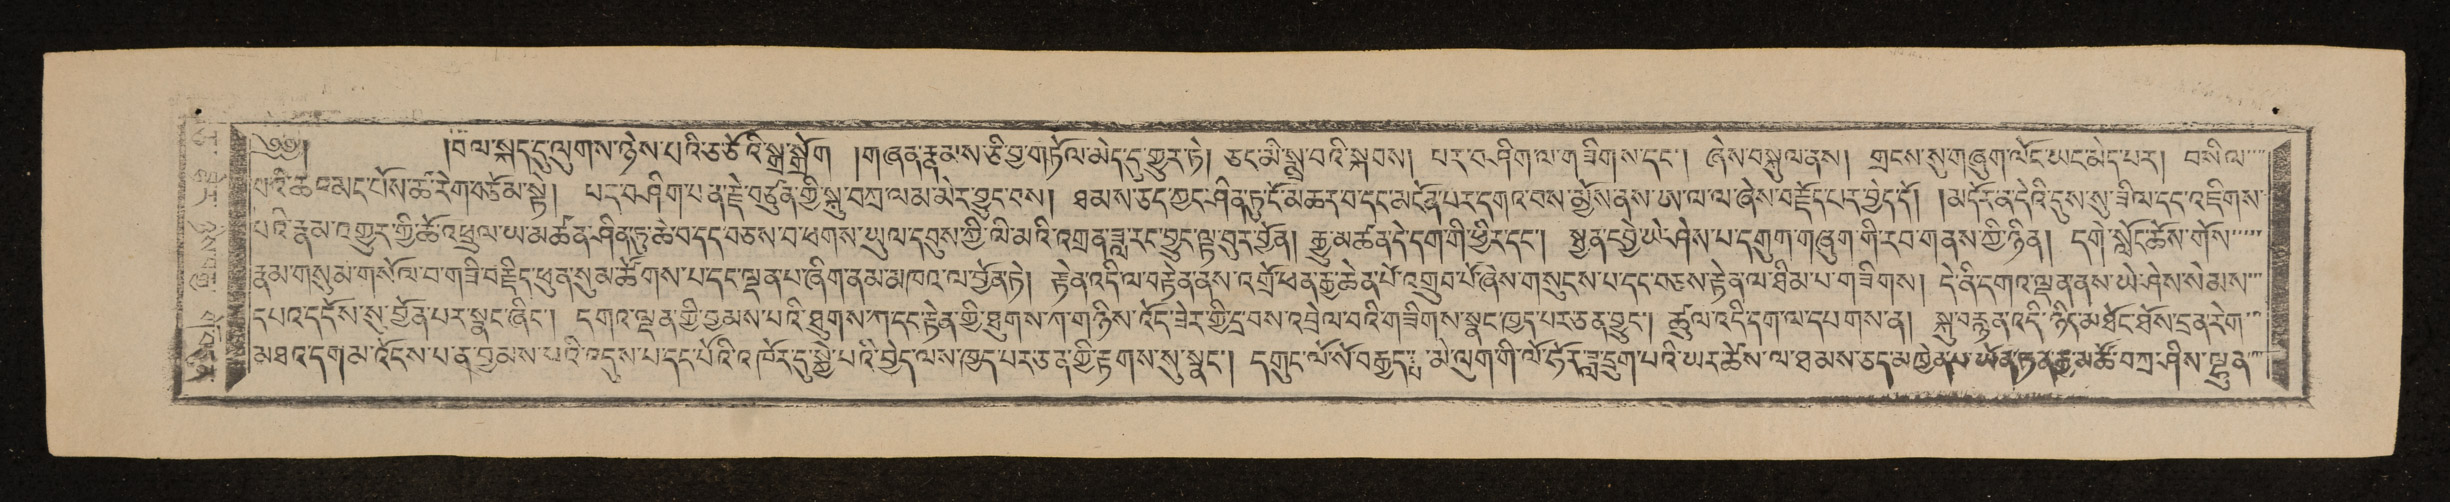༄༅། །བལ་སྐད་དུ་ལུགས་ཉེས་བའི་ཅ་ཅོའི་སྒྲ་སྒོག །གཞན་རྣམས་ཅི་བྱ་གཏོལ་མེད་དུ་གྱུར་ཏེ། ཅང་མི་སྨྲ་བའི་སྐབས། བར་བཤིག་ལ་གཟིགས་དང་། ཞེས་བསྐྱལ་ནས། གྲངས་སུ་གཞུག་ལོང་ཡང་མེད་པར། བསིལ་
བའི་ཆབ་མང་པོས་ཚ་རེག་བཅོམ་སྟེ། བར་བཤིག་པ་ན་རྗེ་བཙུན་གྱི་སྐུ་བཀྲ་ལམ་མེར་བྱུང་བས། ཐམས་ཅད་ཀྱང་ཤིན་ཏུ་ངོ་མཚར་བ་དང་མངོན་པར་དགའ་བས་མྱོས་ནས་ཨ་ལ་ལ་ཞེས་བརྗོད་པར་བྱེད་དོ། །མདོར་ན་དེའི་དུས་སུ་ཟིལ་ངད་འཇིགས་
པའི་རྣམ་འགྱུར་གྱི་ཆོ་འཕྲུལ་ཡ་མཚན་ཤིན་ཏུ་ཆེ་བ་དང་བཅས་འཕགས་ཡུལ་དབུས་ཀྱི་ལི་མའི་འགྲན་ཟླ་རང་བྱུང་ལྟ་བུར་བྱོན། རྒྱུ་མཚན་དེ་དག་གི་ཕྱིར་དང་། སྤྱན་དབྱེ་ཡེ་ཤེས་པ་དགུག་གཞུག་གི་རབ་གནས་ཀྱི་ཉིན། དགེ་སློང་ཆོས་གོས་
རྣམ་གསུམ་གསོལ་བ་གཟི་བརྗིད་ཕུན་སུམ་ཚོགས་པ་དང་ལྡན་པ་ཞིག་ནམ་མཁའ་ལ་བྱོན་ཏེ། རྟེན་འདི་ལ་བརྟེན་ནས་འགྲོ་ཕན་རྒྱ་ཆེན་པོ་འགྲུབ་པོ་ཞེས་གསུངས་པ་དང་བཅས་རྟེན་ལ་ཐིམ་པ་གཟིགས། དེ་ནི་དགའ་ལྡན་ནས་ཡེ་ཤེས་སེམས་
དཔའ་དངོས་སུ་བྱོན་པར་སྣང་ཞིང་། དགའ་ལྡན་གྱི་བྱམས་པའི་ཐུགས་ཀ་དང་རྟེན་གྱི་ཐུགས་ཀ་གཉིས་འོད་ཟེར་གྱི་དྲབས་འབྲེལ་བའི་གཟིགས་སྣང་ཁྱད་པར་ཅན་བྱུང་། ཚུལ་འདི་དག་ལ་དཔགས་ན། སྐུ་བརྙན་འདི་ཉིད་མཐོང་ཐོས་དྲན་རེག་
མཐའ་དག་མ་འོངས་པ་ན་བྱམས་པའི་འདུས་པ་དང་པོའི་འཁོར་དུ་སྐྱེ་བའི་བྱེད་ལས་ཁྱད་པར་ཅན་གྱི་རྟགས་སུ་སྣང་། དགུང་ལོ་སོ་བརྒྱད་པ་མེ་ལུག་གི་ལོ་ཧོར་ཟླ་དྲུག་པའི་ཡར་ཚེས་ལ་ཐམས་ཅད་མཁྱེན་པ་ཡོན་ཏན་རྒྱ་མཚོ་བཀྲ་ཤིས་ལྷུན་